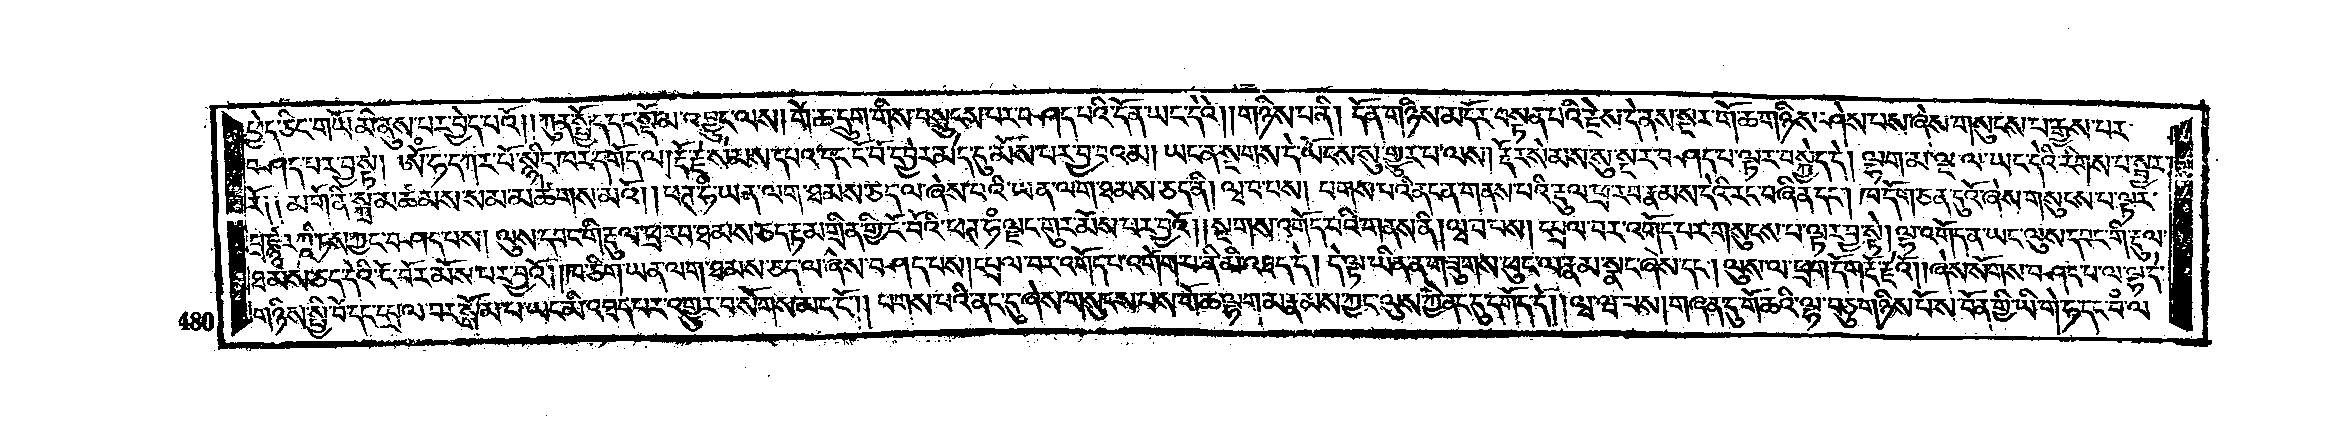ཕྱེད་ཅིང་གཡོ་མི་ནུས་པར་བྱེད་པའོ། །ཀུན་སྤྱོད་དང་སྡོམ་འབྱུང་ལས། གོ་ཆ་དྲུག་གིས་བསྲུངས་པར་བཤད་པའི་དོན་ཡང་དེའོ། །གཉིས་པ་ནི། དོན་གཉིས་མདོར་བསྟན་པའི་རྗེས་དེ་ནས་སྔར་གོ་ཆ་གཉིས་ཤེས་པས་ཞེས་གསུངས་པ་རྒྱས་པར་
བཤད་པར་བྱ་སྟེ། ཨོཾ་ཧ་དཀར་པོ་སྙིང་ཁར་དགོད་ལ། རྡོ་རྗེ་སེམས་དཔའ་དང་ངོ་བོ་དབྱེར་མེད་དུ་མོས་པར་བྱ་བའམ། ཡང་ན་སྔགས་དེ་ཡོངས་སུ་གྱུར་པ་ལས། རྡོར་སེམས་སུ་སྔར་བཤད་པ་ལྟར་བསྐྱེད་དེ། ལྷག་མ་ལྔ་ལ་ཡང་དེའི་རིགས་པ་སྦྱར་
རེ། །མགོ་ནི་སྐྲ་མཚམས་སམ་མཚེགས་མའོ། །ཕཊ་ཧཾ་ཡན་ལག་ཐམས་ཅད་ལ་ཞེས་པའི་ཡན་ལག་ཐམས་ཅད་ནི། ལྭ་བ་པས། པགས་པའི་ནང་ན་གནས་པའི་རྡུལ་ཕྲ་རབ་རྣམས་དེའི་རང་བཞིན་དང་། ཁ་དོག་ཅན་དུའོ་ཞེས་གསུངས་པ་ལྟར་
པྲཛྙཱ་རཀྵི་ཏས་ཀྱང་བཤད་པས། ལུས་དབང་གི་རྡུལ་ཕྲ་རབ་ཐམས་ཅད་རྟ་མགྲིན་གྱི་ངོ་བོའི་ཕཊ་ཧཾ་ལྗང་གུར་མོས་པར་བྱའོ། །སྔགས་འགོད་པའི་གནས་ནི། ལྭ་བ་པས། དཔྲལ་བར་འགོད་པར་གསུངས་པ་ལྟར་བྱ་སྟེ། ལྷ་འགོད་ན་ཡང་ལུས་དབང་གི་རྡུལ་
ཐམས་ཅད་དེའི་ངོ་བོར་མོས་པར་བྱའོ། །ཁ་ཅིག་ཡན་ལག་ཐམས་ཅད་ལ་ཞེས་བཤད་པས། དཔྲལ་བར་འགོད་པ་འགོག་པ་ནི་མི་འཐད་དེ། དེ་ལྟ་ཡིན་ན་གཟུགས་ཕུང་ལ་རྣམ་སྣང་ཞེས་དང་། ལུས་ལ་ཕྲག་དོག་རྡོ་རྗེའོ། །ཞེས་སོགས་བཤད་པ་ལ་ལྷ་དེ་
གཉིས་སྤྱི་བོ་དང་དཔྲལ་བར་སྒོམ་པ་ཡང་མི་འཐད་པར་འགྱུར་བ་སོགས་མང་ངོ། །པགས་པའི་ནང་དུ་ཞེས་གསུངས་པས་གེ་ཆ་ལྷག་མ་རྣམས་ཀྱང་ལུས་ཀྱི་ནང་དུ་དགོད་དོ། །ལྭ་ཝ་པས། གཞན་དུ་གོ་ཆའི་ལྷ་བཅུ་གཉིས་པོ་ས་བོན་གྱི་ཡི་གེ་ཧ་དང་བཾ་ལ་